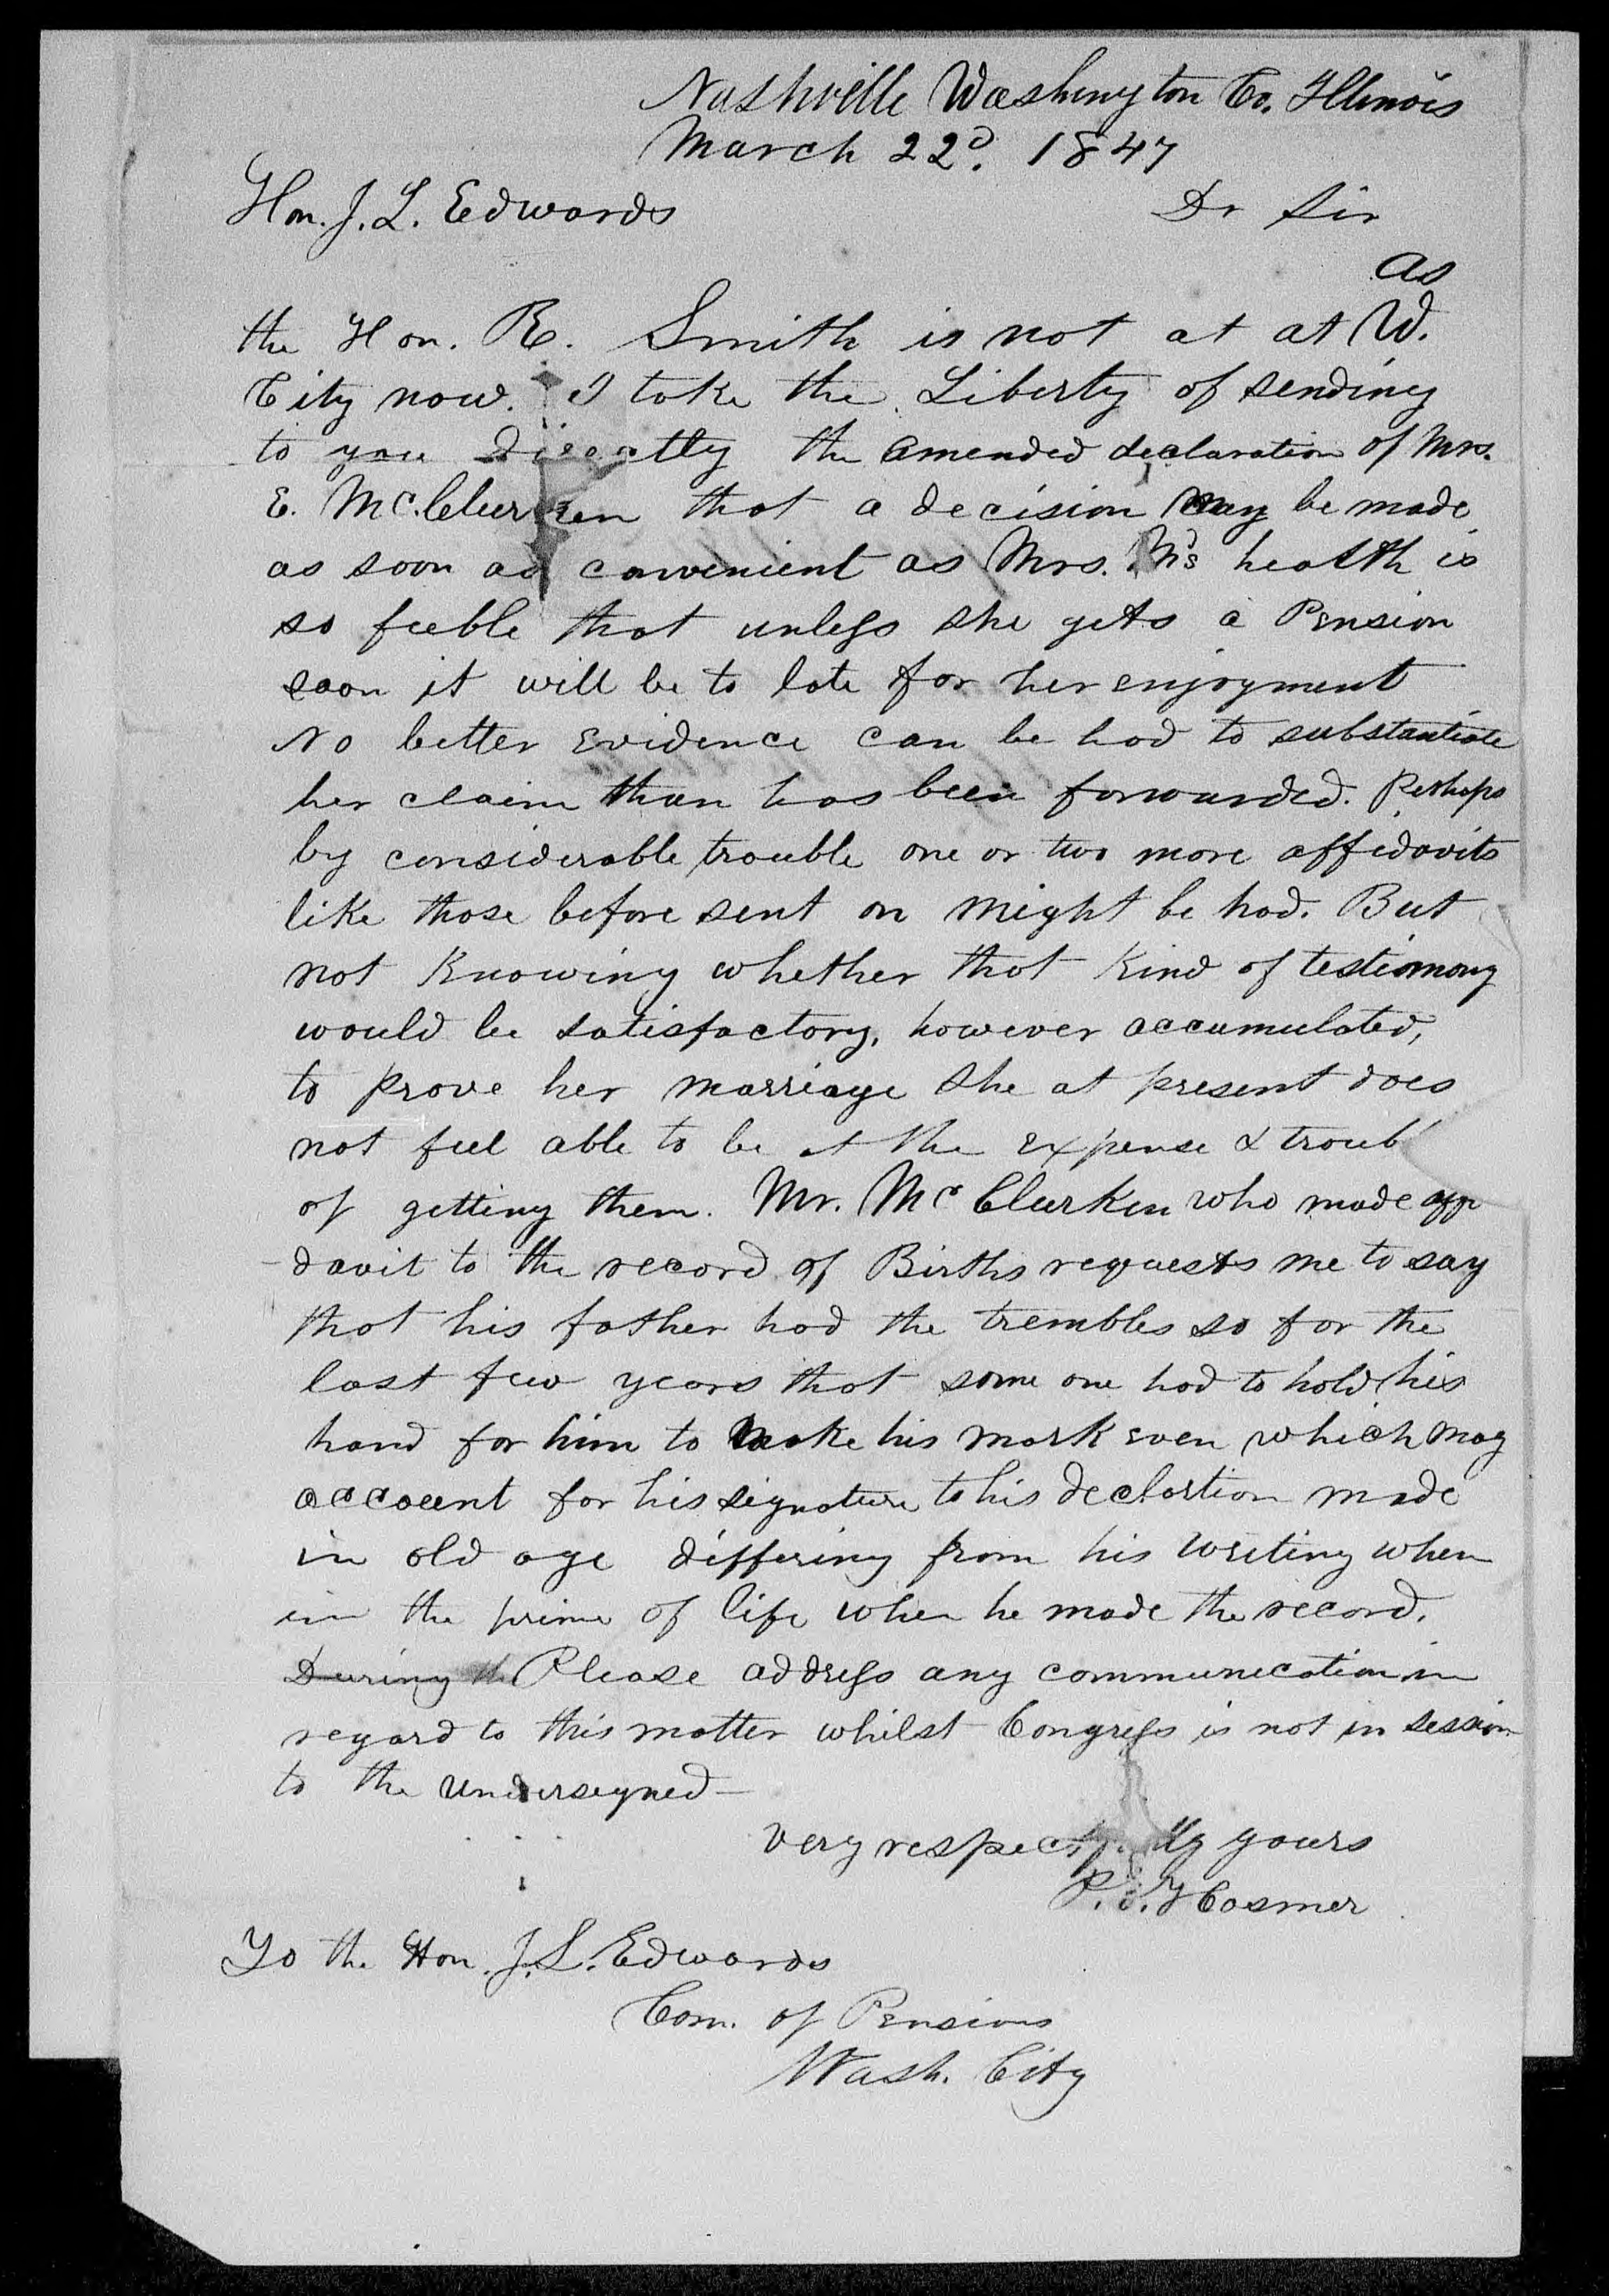Nashville Washington Co. Illinois 
March 22d 1847 
Hon. J. L. Edwards 

Dr Sir 
as 
Hon. R. Smith is not at at W. City now. I take the Liberty of sending to you directly the amended declaration of Mrs. E. McClurken that a decision may be made as soon as convenient as Mrs. M's health is so feeble that unless she gets a Pension soon it will be to late for her enjoyment 
No better evidence can be had to substantiate her claim than has been forwarded. Perhaps by considerable trouble one or two more affidavits like those before sent on might be had. But not knowing whether that kind of testimony would be satisfactory, however accumulated, to prove her marriage she at present does not feel able to be at the expense & trouble of getting them. Mr. McClurken who made affidavit to the record of Birth's requests me to say that his father had the trembles so for the last few years that some one had to hold his hand for him to take his mark even which may account for his signature to his declaration made in old age differing from his writing when in the prime of life when he made the record. 
During then please address any communication in regard to this matter whilst congress is not in session to the undersigned

very respectuly yours
 P. E. Hosmer 

To the Hon. J. L. Edwards 
Com. of Pensions Wash. City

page: 58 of 93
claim: widow's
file: W. 21792, for Thomas Mc Clurken, South Carolina